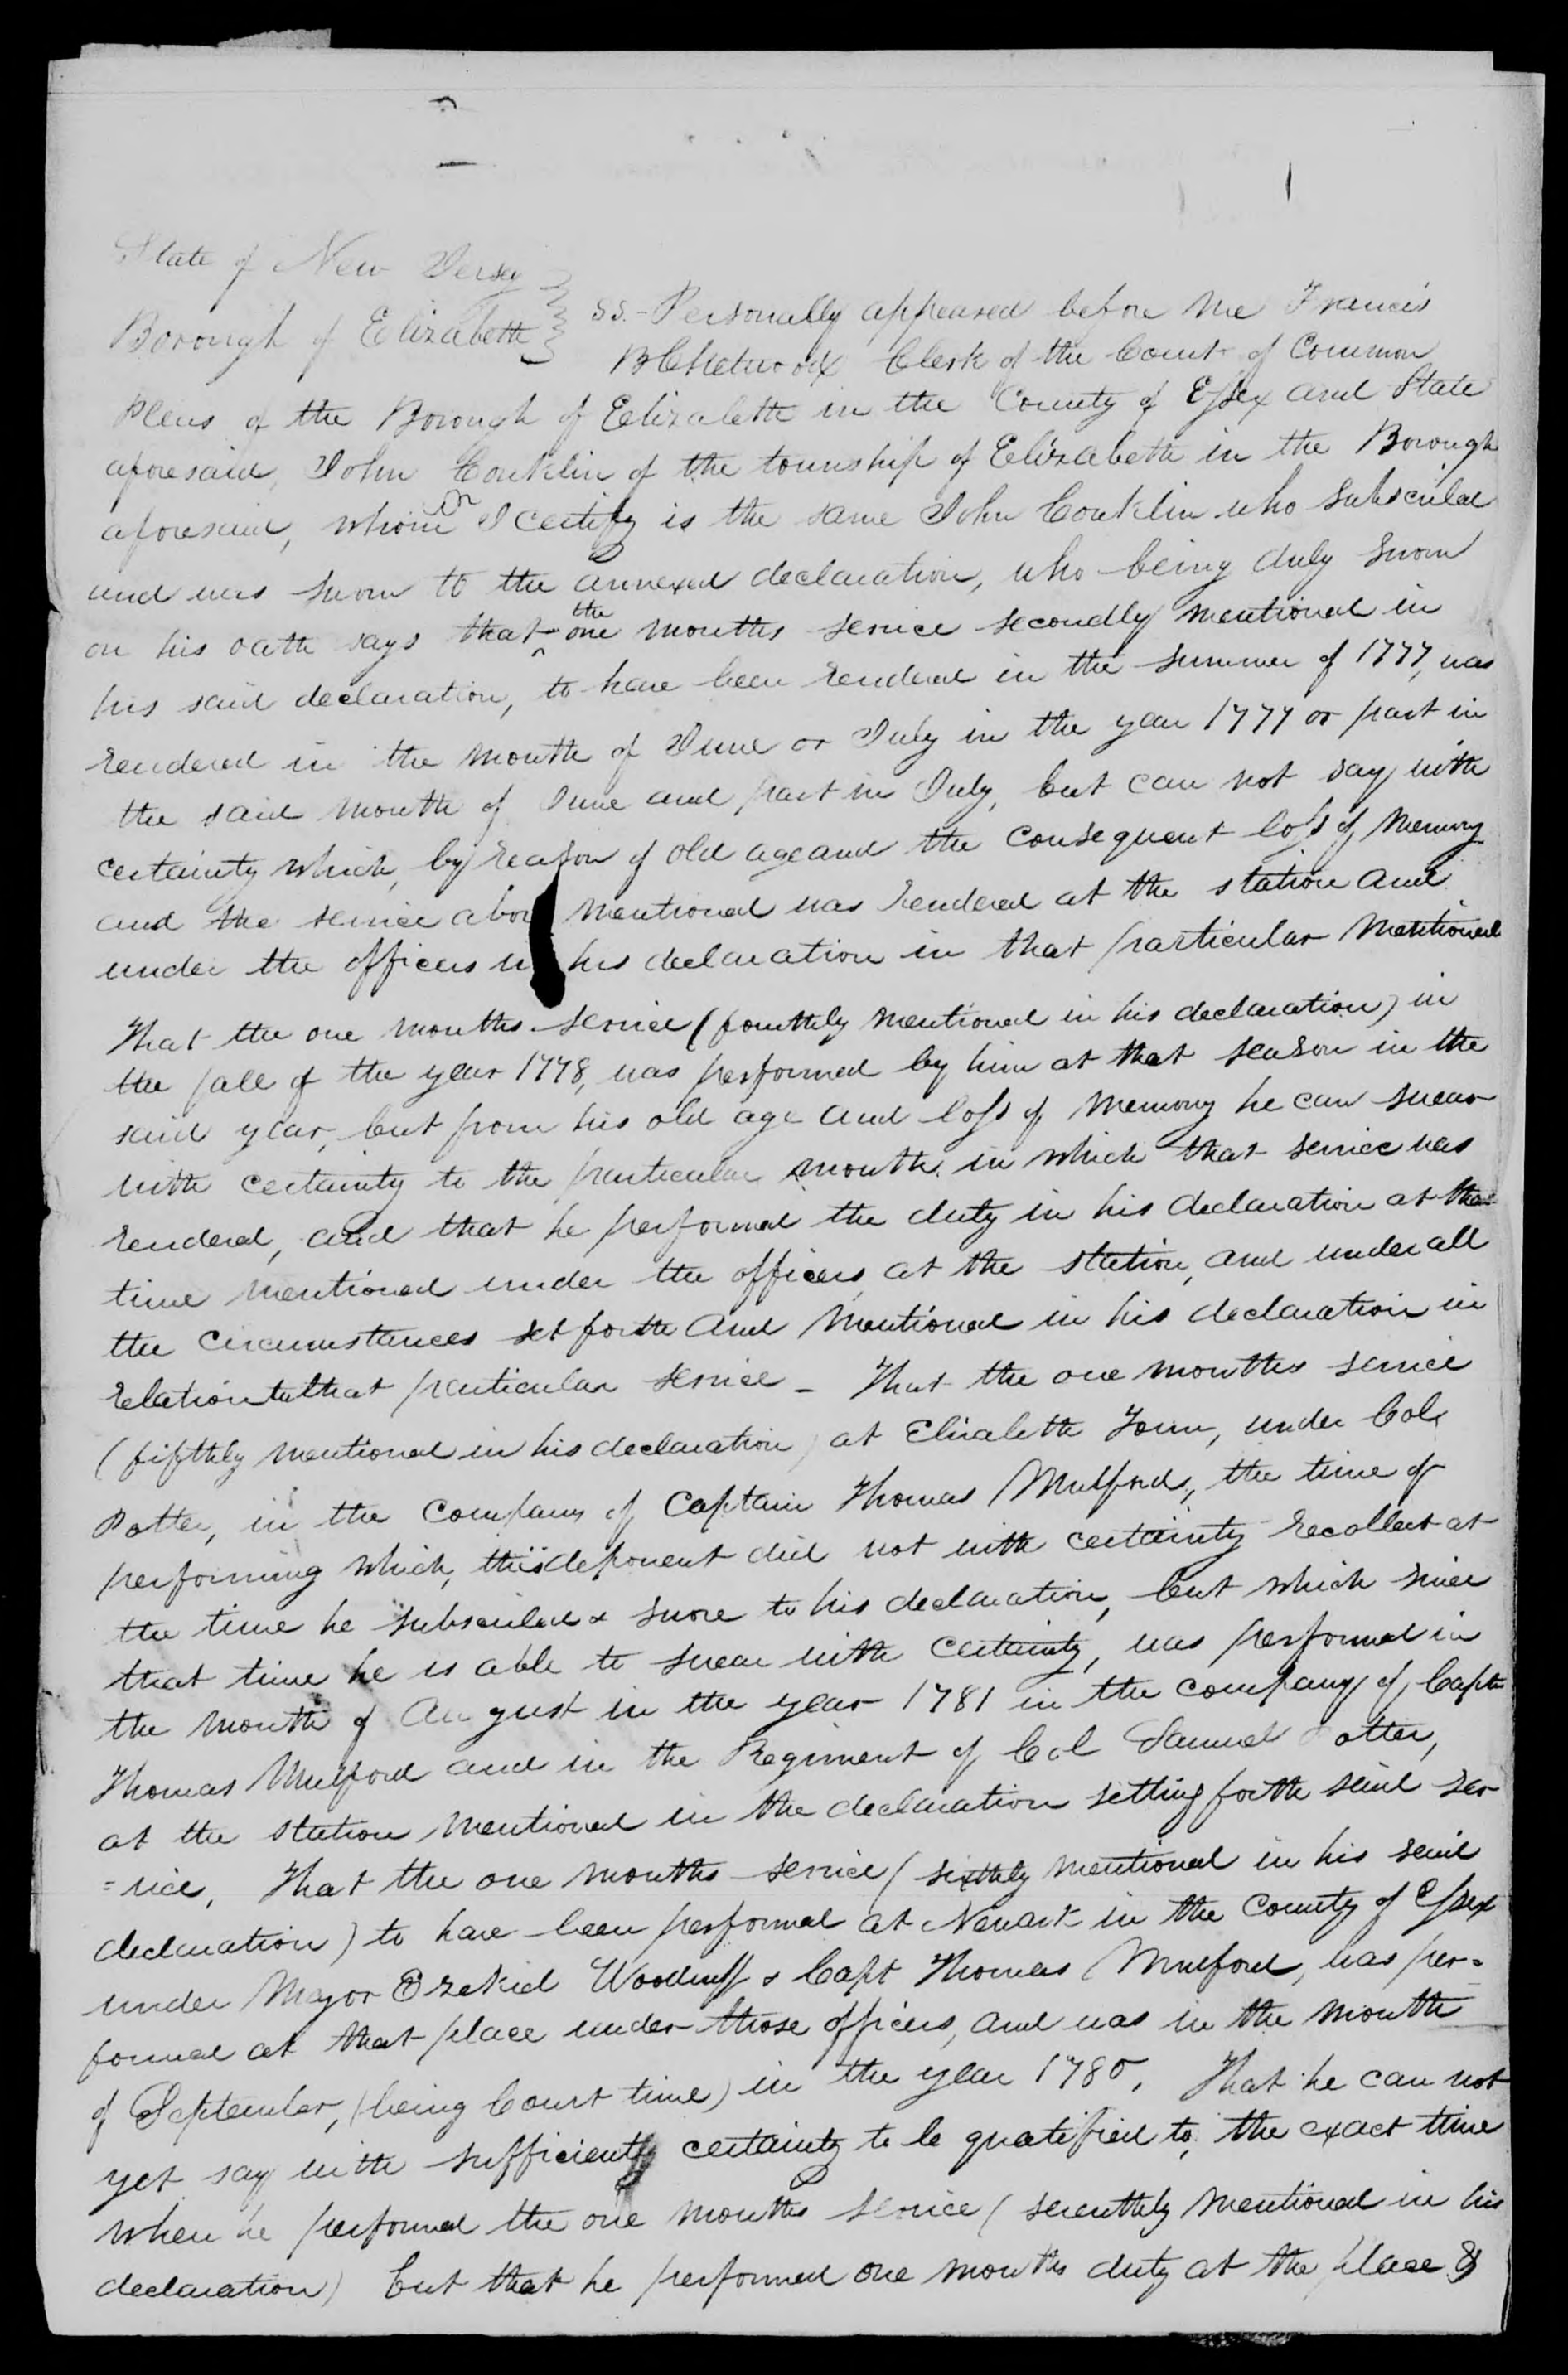State of New Jersey
Borough of Elizabeth
SS. Personally appeared before me Francis
B Chetwood Clerk of the Court of Common
Pleas of the Borough of Elizabeth in the County of Essex and State
aforesaid John Conklin of the township of Elizabeth in the Borough
aforesaid, whom I certify is the same John Conklin who subscribed
and was from to the annexed declaration, who being duly sworn
on his oath says that the months service secondly mentioned in
his said declaration, to have been rendered in the summer of 1777, was
rendered in the month of June or July in the year 1777 or part in
the said month of June and part in July, but can not say with
certainty which, by reason of old age and the consequent loss of memory
and the service above mentioned was rendered at the station and
under the officers in his declaration in that particular mentioned
That the one months service (fourthly mentioned in his declaration, in
the fall of the year 1778, was performed by him at that season in the
said year, but from his old age and loss of memory he can swear
with certainty to the particular month in which that service was
rendered, and that he performed the duty in his declaration at the
time mentioned under the officers at the station, and under all
the circumstances set forth and mentioned in his declaration in
relation to that particular service. That the one months since
(fifthly mentioned in his declaration at Elizabeth Town, under Col
Potter, in the company of Captain Thomas Mulford, the time of
performing which this deponent did not with certainty recollect at
the time he subscribed & swore to his declaration, but which since
that time he is able to see with certainty, was performed
the month of August in the year 1781 in the company of Capt
Thomas Mulford and in the Regiment of Col. Samuel Potter,
at the station mentioned in the declaration setting forth said
service. That the one months service (sixthly mentioned in his said
declaration) to have been performed at Newark in the County of Essex
under Major Ezekiel Woodruff & Capt Thomas Mulford, has per
formal at that place under those officers, and was in the mouth
of September, being Court time) in the year 1780. That he can not
yet say with sufficient certainty to be qualified to the exact time 
when he performed the one months service (seventhly mentioned in his
declaration, but that he performed one months duty at the place &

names: Samuel Potter, Thomas Mulford, John Conklin, Potter, Thomas Mulford, Thomas Mulford, Francis B Chetwood, John Conklin, Ezekiel Woodruff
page: 10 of 28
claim: survivor's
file: S 2464, John Conklin, New Jersey